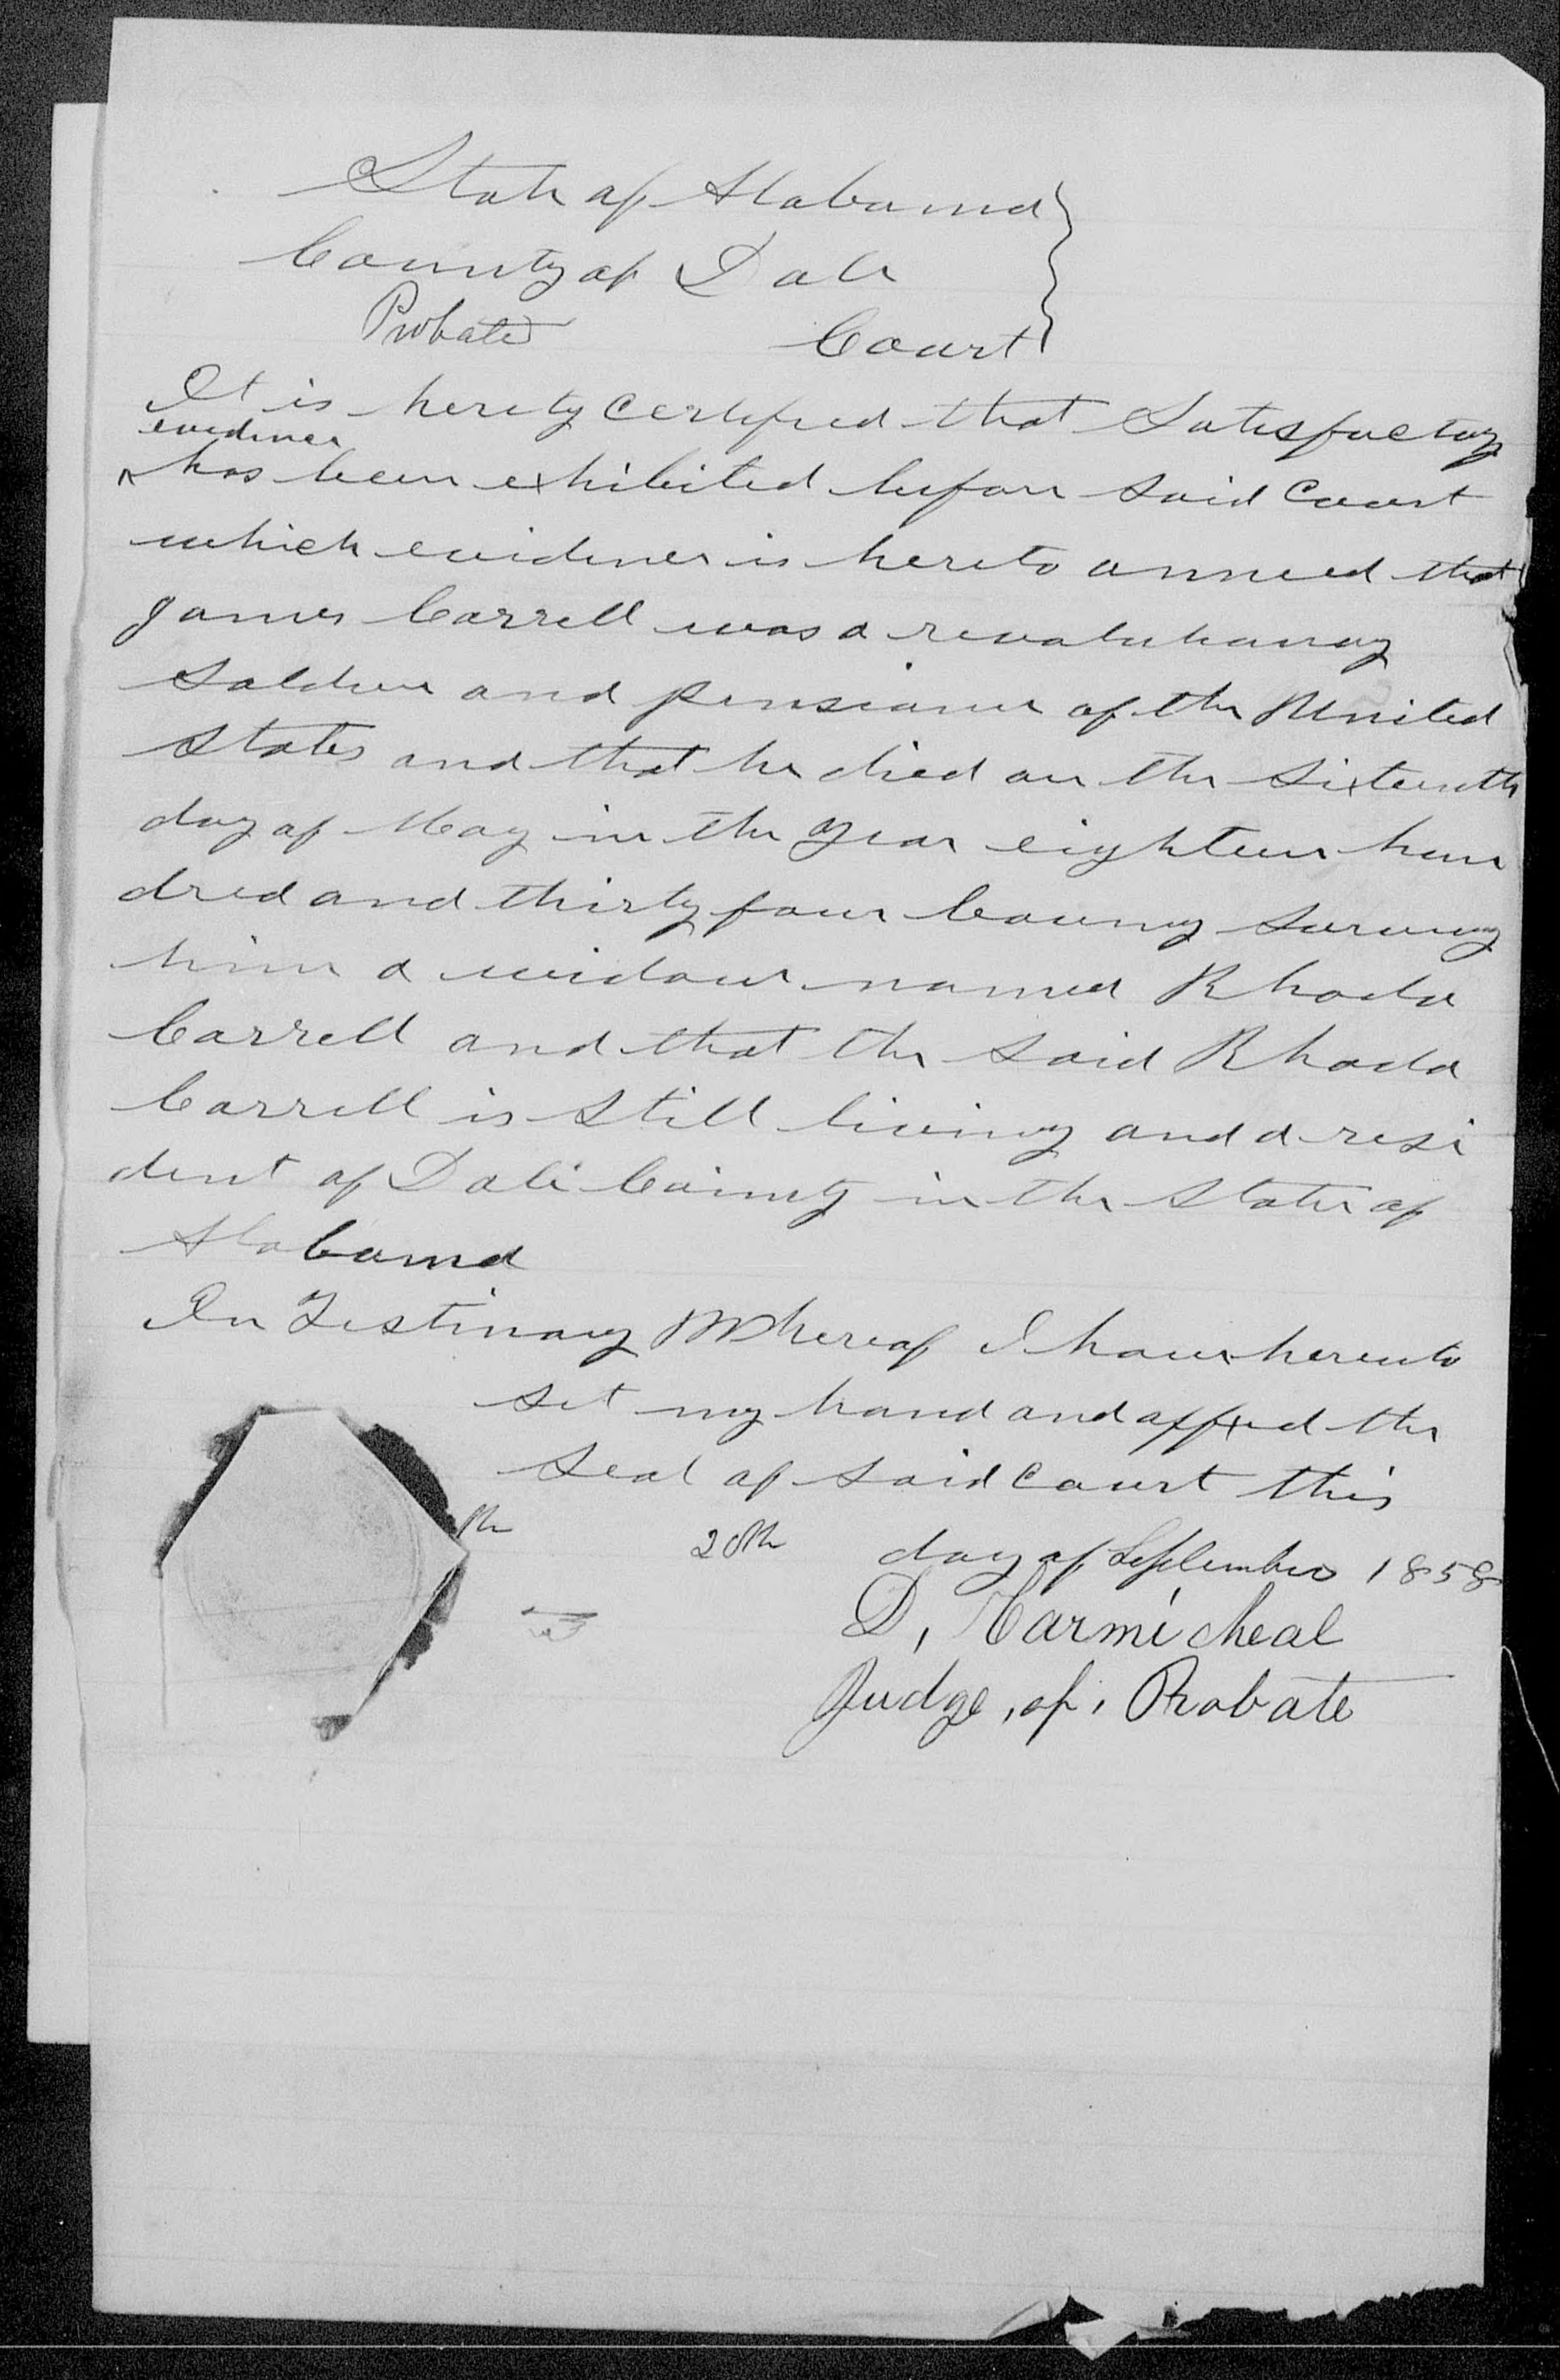State of Alabama 
County of Dale
Probate Court }

It is hereby certified that satisfactory evidence has been exhibited before said court which evidence is is hereto annexed that James Carrell was a revolutionary soldier and pensioner of the United States and that he died on the sixteenth day of May in the year eighteen hundred and thirty four leaving surviving him a widow named Rhoda Carrell and that the said Rhoda Carrell is still living and a resident of Dale County in the State of Alabama 
In testimony whereof I have hereunto set my hand and affixed the seal of said court this the 20th day of September 1858.  D. Carmicheal Judge of Probate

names: D Carmicheal, James Carrell, Rhoda Carrell, Rhoda Carrell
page: 44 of 86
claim: widow's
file: W. 6899, James Carrell, N.C.